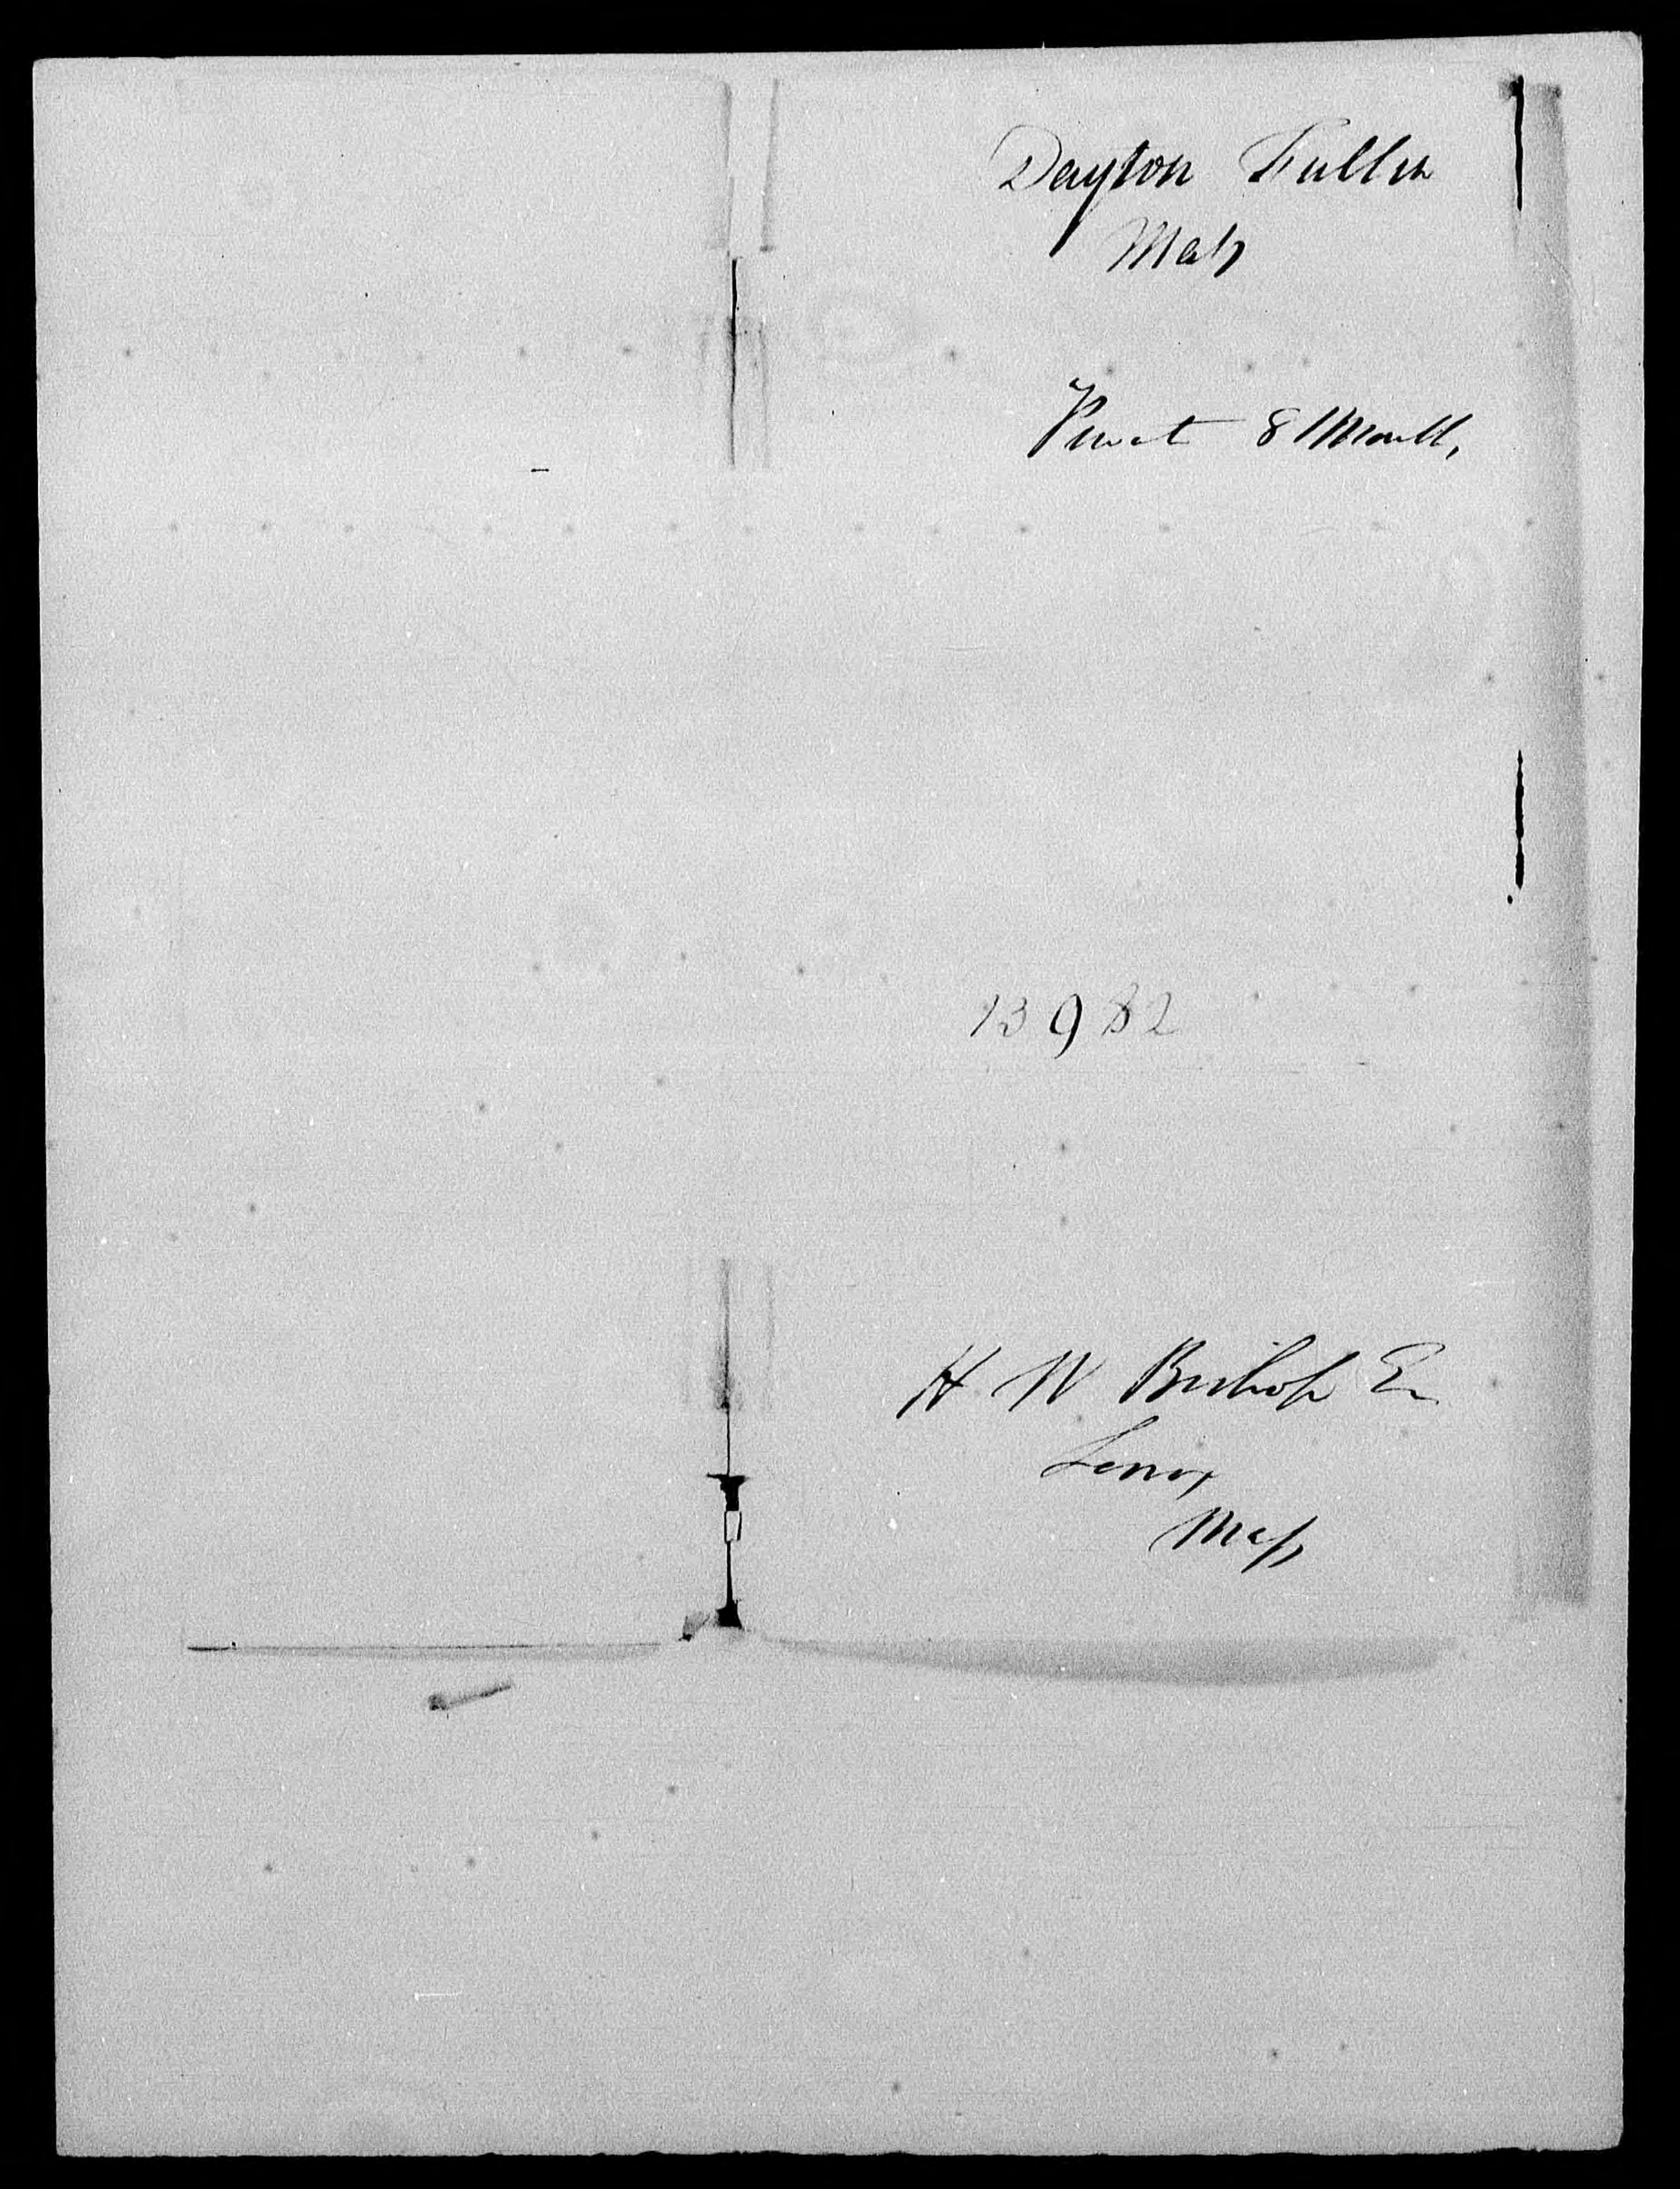Dayton Fuller
Mass
Private 8 Months
13982
H W Bishop Esq
Lenox
Mass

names: H W Bishop, Dayton Fuller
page: 3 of 15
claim: survivor's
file: S. 29,166, Dayton Fuller, Conn.